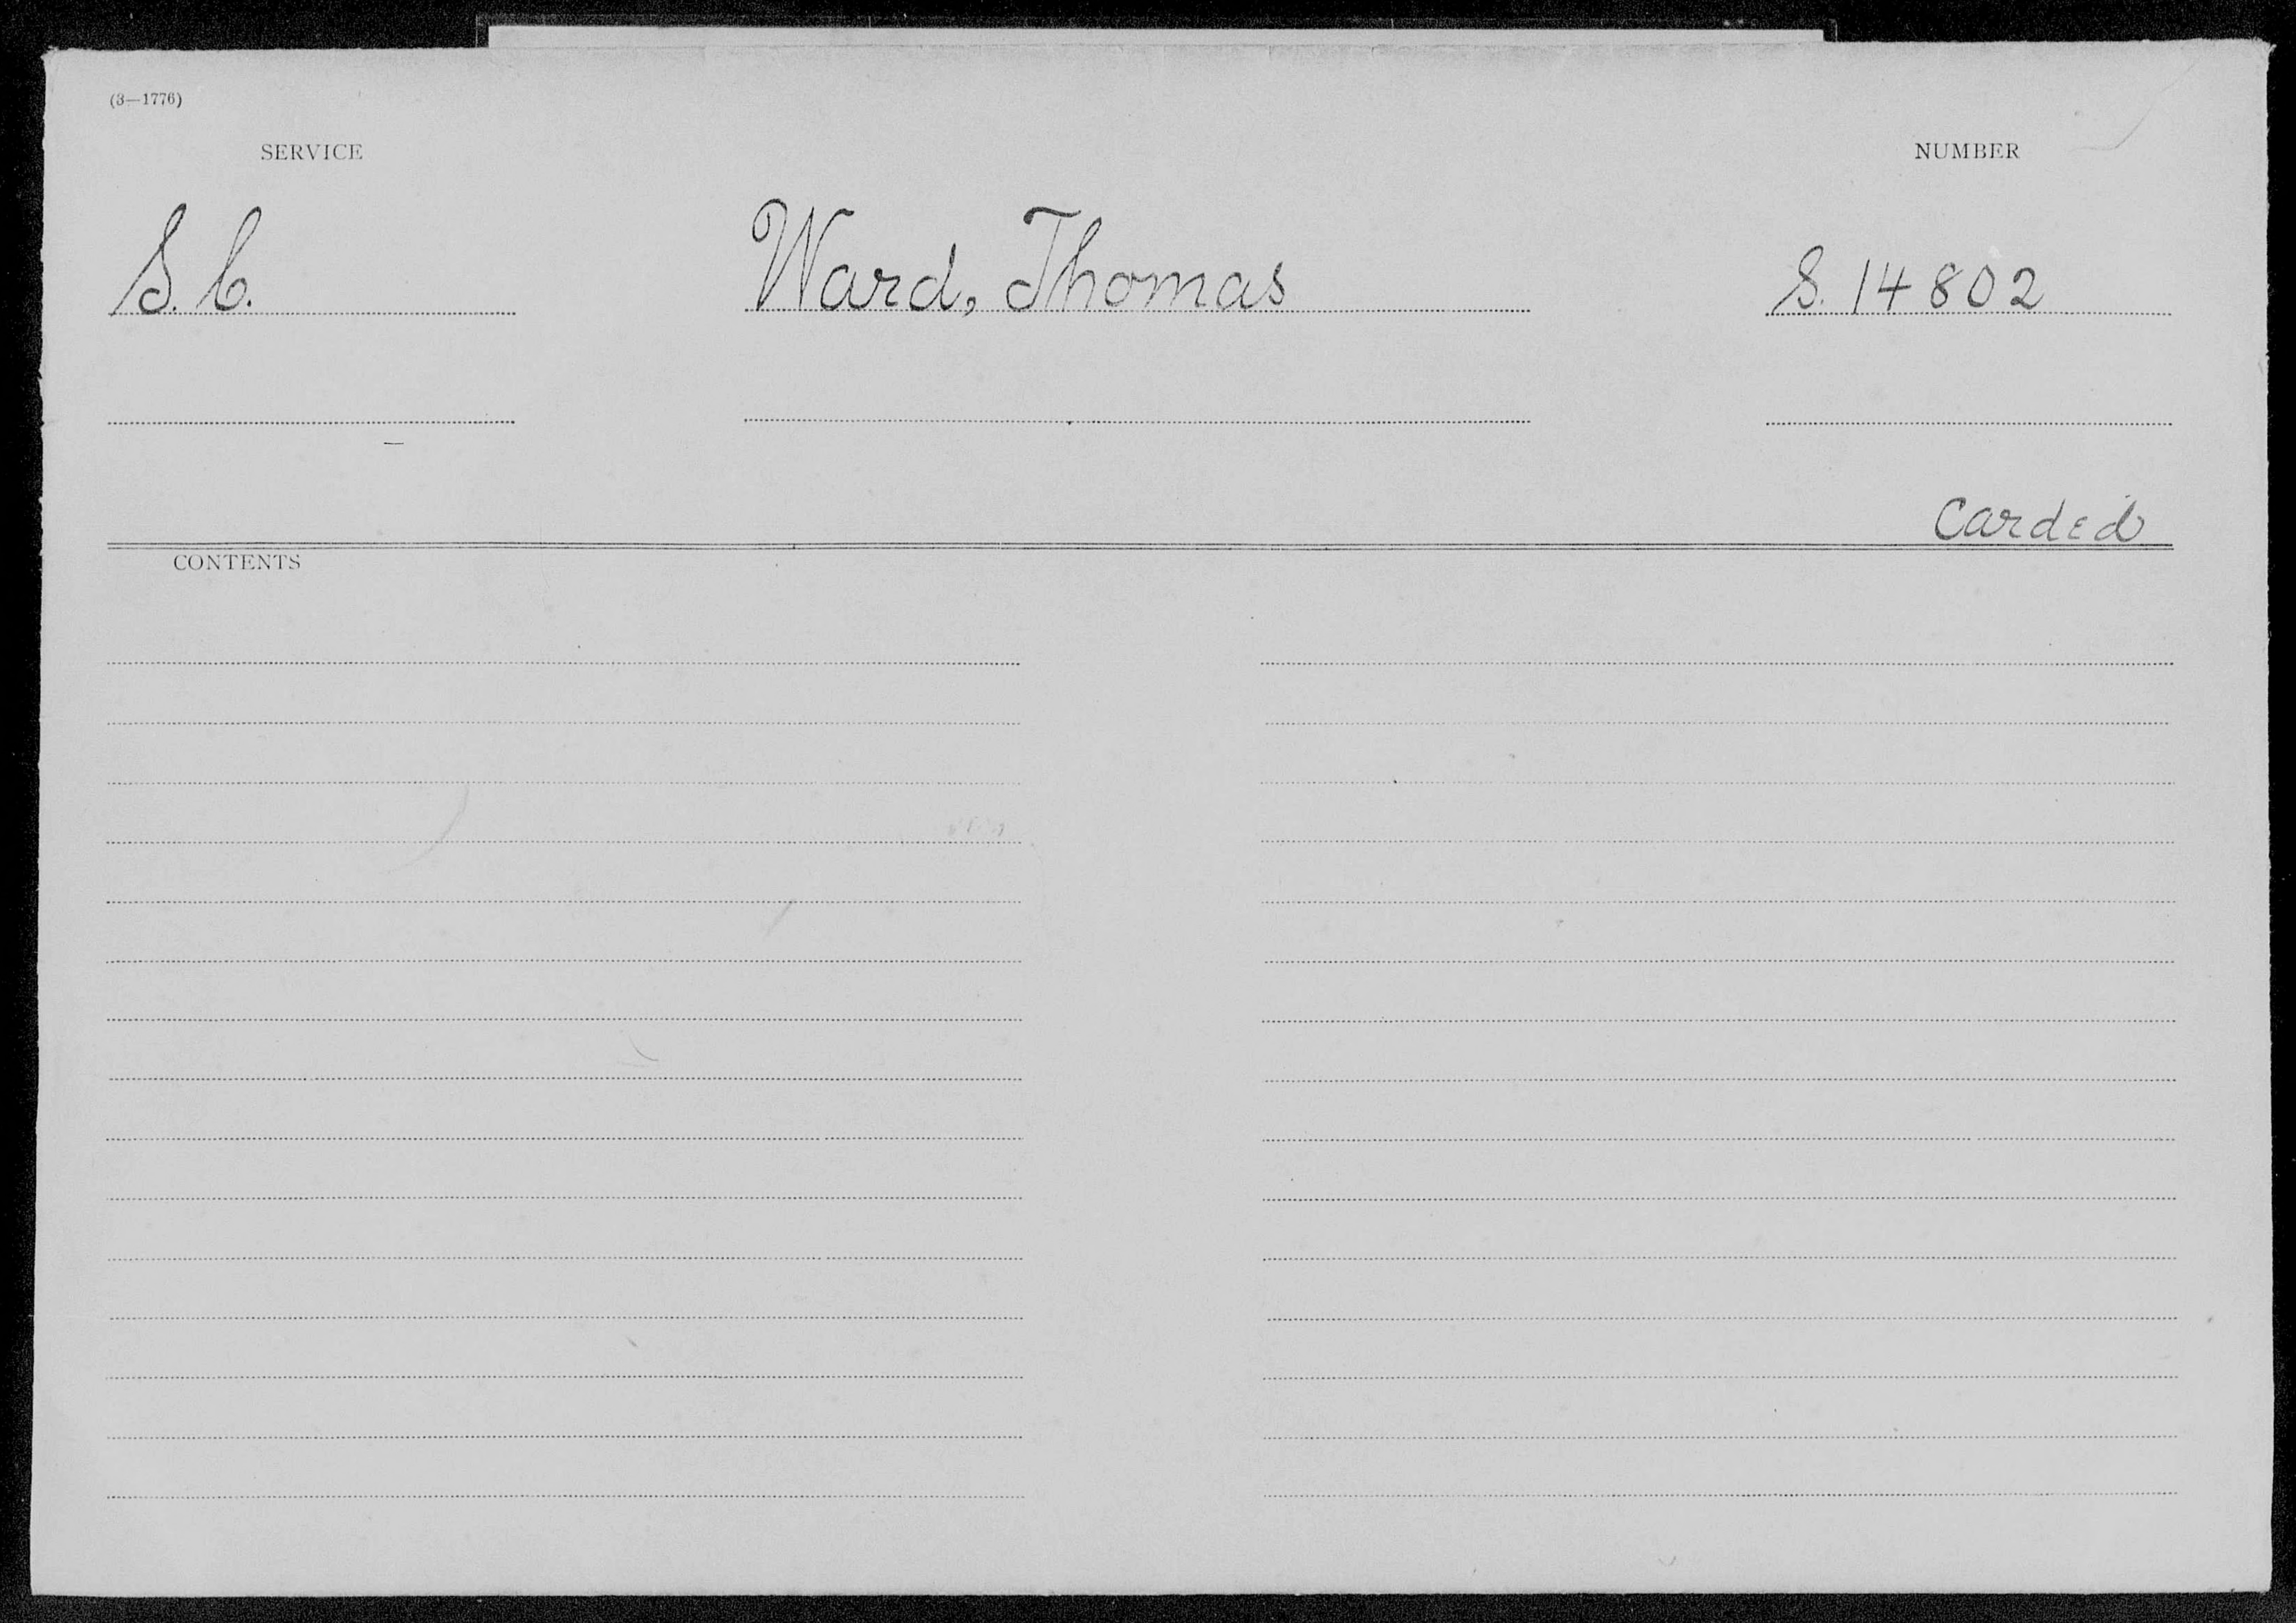(3 - 1776)

SERVICE.   S.C.

Ward, Thomas

NUMBER      S.  14802

carded

CONTENTS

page: 1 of 31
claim: survivor's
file: S. 14802, Thomas Ward, S.C.